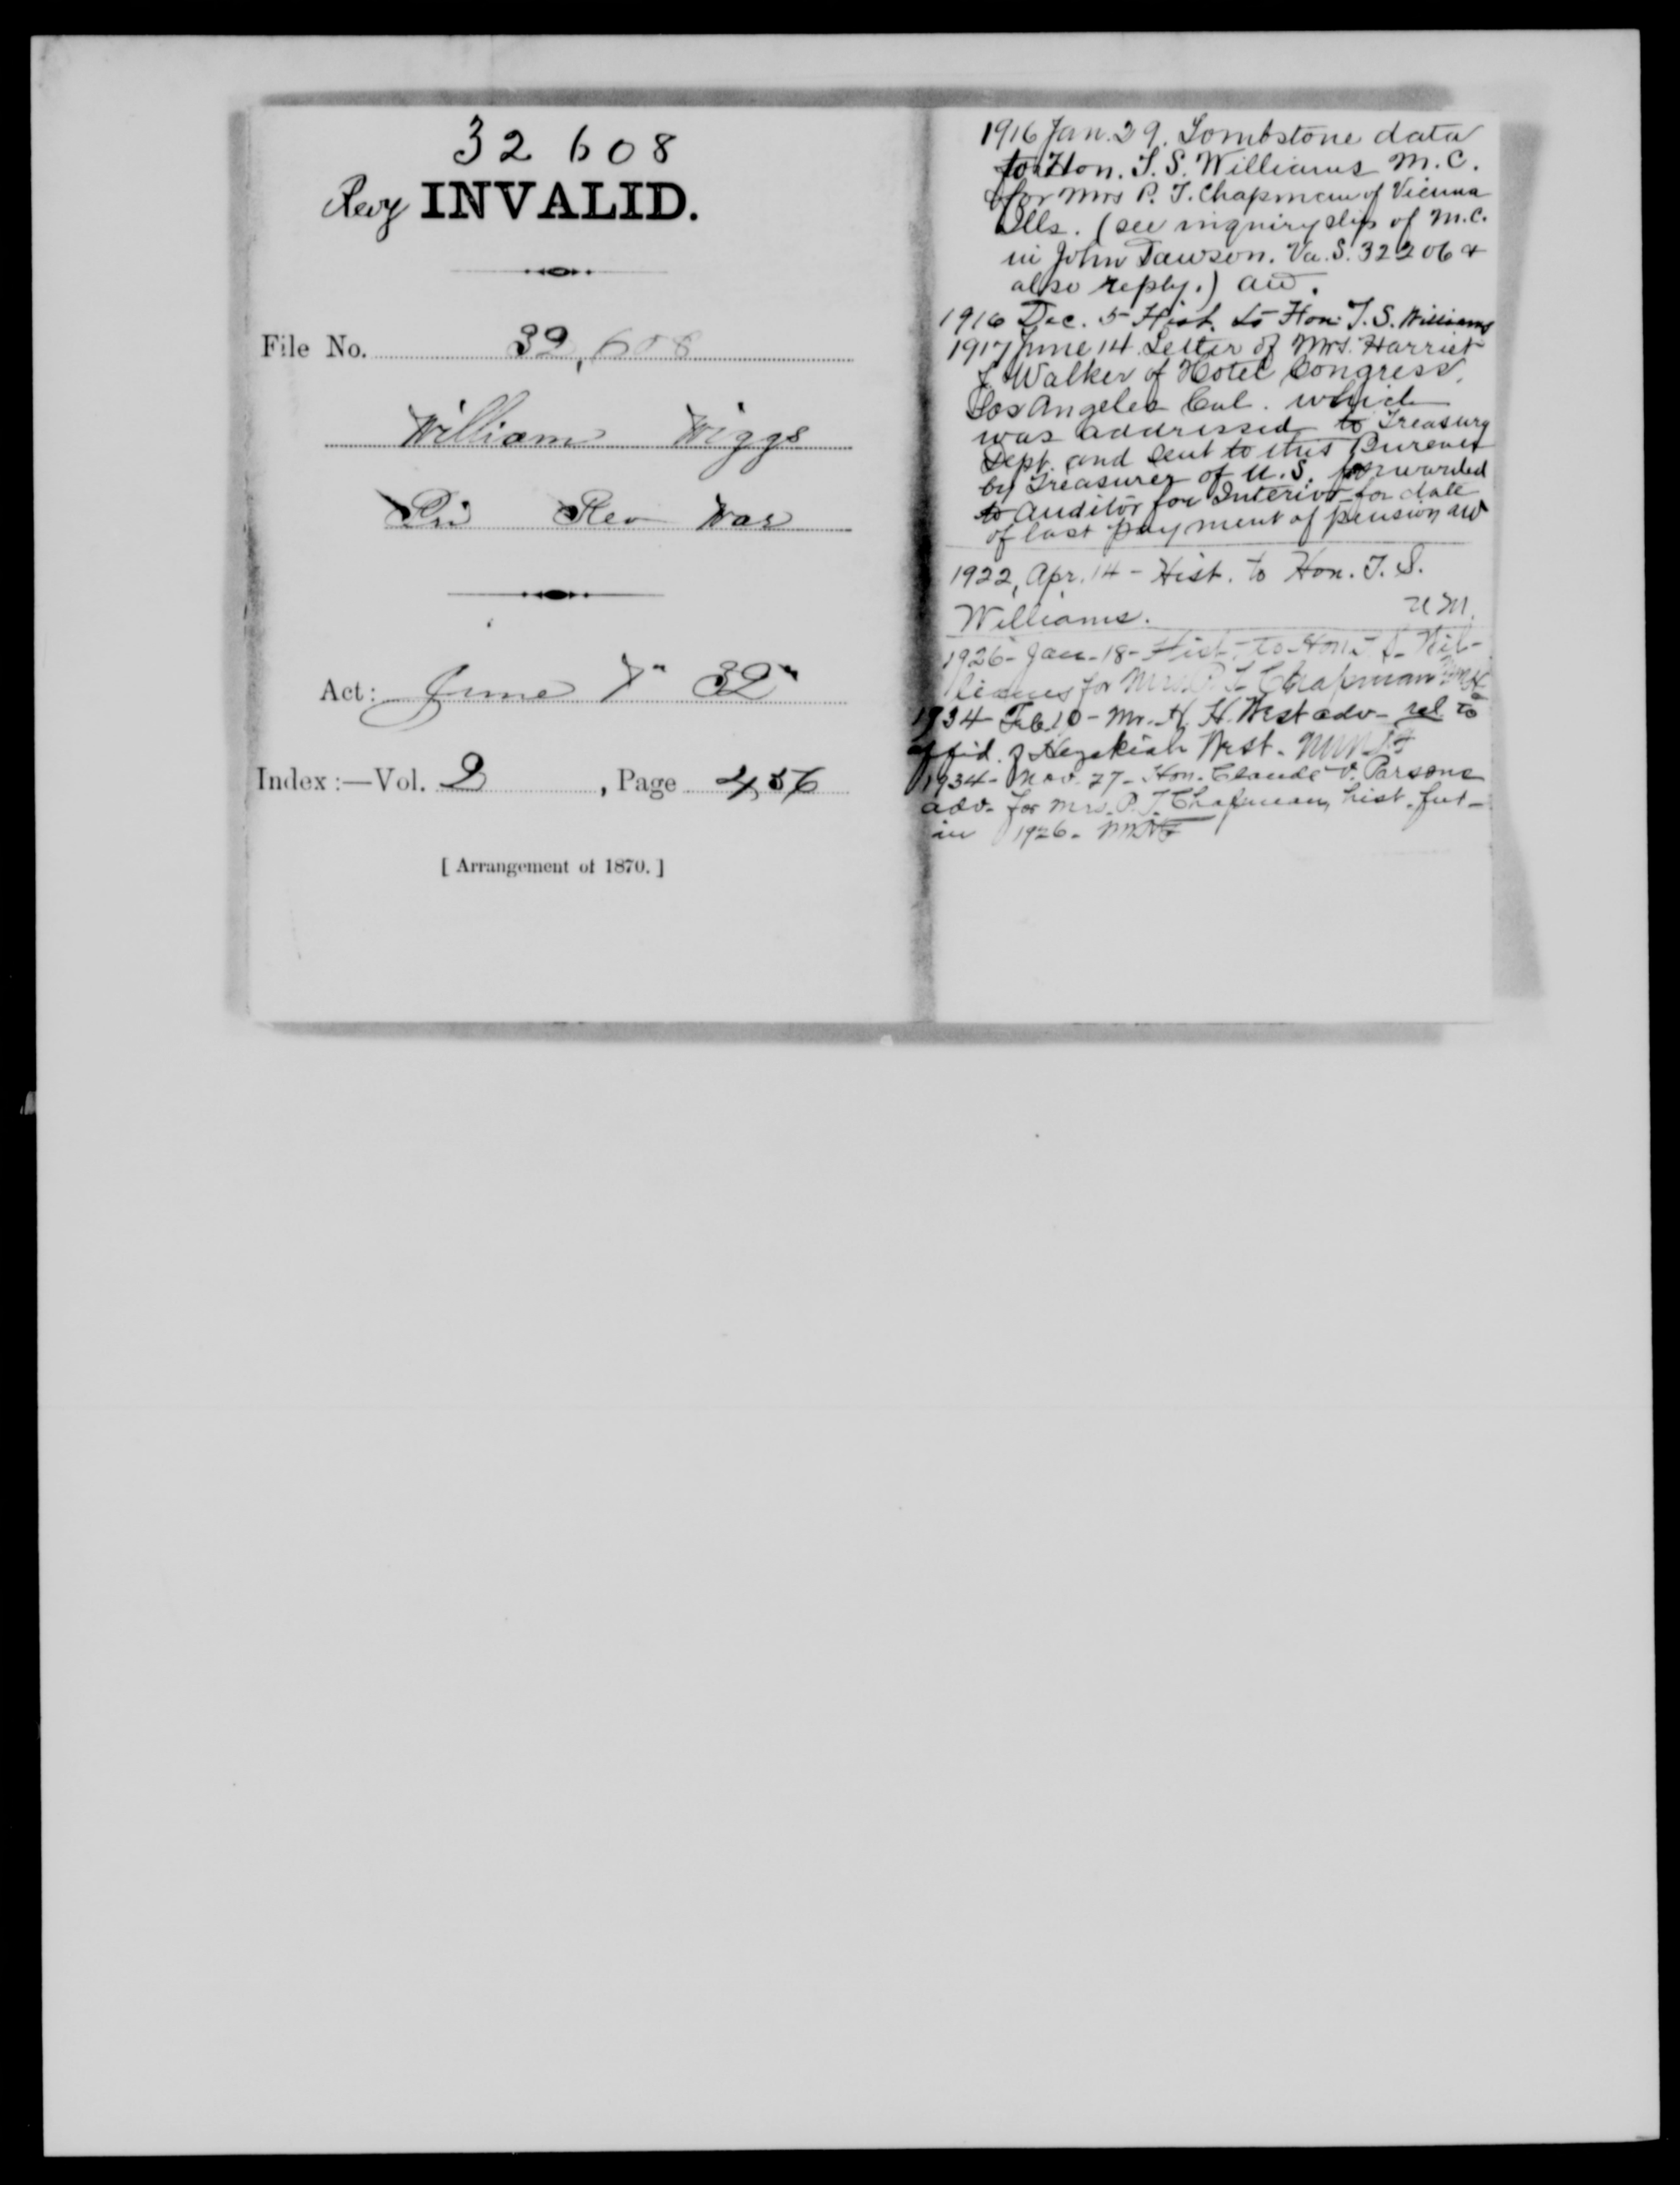[left hand side}  32608
Revy INVALID
File No.   39.608
William Wiggs
Pri.  Rev War

Act: June 7" 32
Index:--Vol. 2, Page 436

[Arrangement of 1870.]

[right hand side]     states
1916  Jan. 29. Tombstone data
for Hon. T. S. Williams M.C.
for Mrs P. T. Chapman of Vienna
Ills. (see inquiry slip of M.C.
in John Lawson, Va S 32206 &
also reply)  aw
1916 Dec. 5 Hist to Hon T. S. Williams
1917 June 14 Letter of Mrs. Harriet
J Walker of Hotel Congress
Los Angeles Cal. which
was addressed to Treasury
Dept. and sent to this Bureau
by Treasurer of U.S. Forwarded
to auditor for Interior for date
of last payment of pension    aw
1922, Apr. 14 - Hist. to Hon. T. S.
Williams            …..        UM
1926 Jan. 18 - Hist. to Hon T S Williams for Mrs P T. Chapman
1934 Feb 10- Mr. H H West  adv-rel. to
afffid of Hezekiah West.     MWM 
1934 - Nov 27 - Hon. Claude V. Parsons
adv  for Mrs. P.T Chapman, hist  [illegible]
in 1926       MWM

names: Claude V Parsons, H H West, P T Chapman, John Dawson, Harriet J Walker, T S Williams, William Wiggs, Hezekiah West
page: 22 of 31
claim: survivor's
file: S. 32608, William Wiggs, N.C.